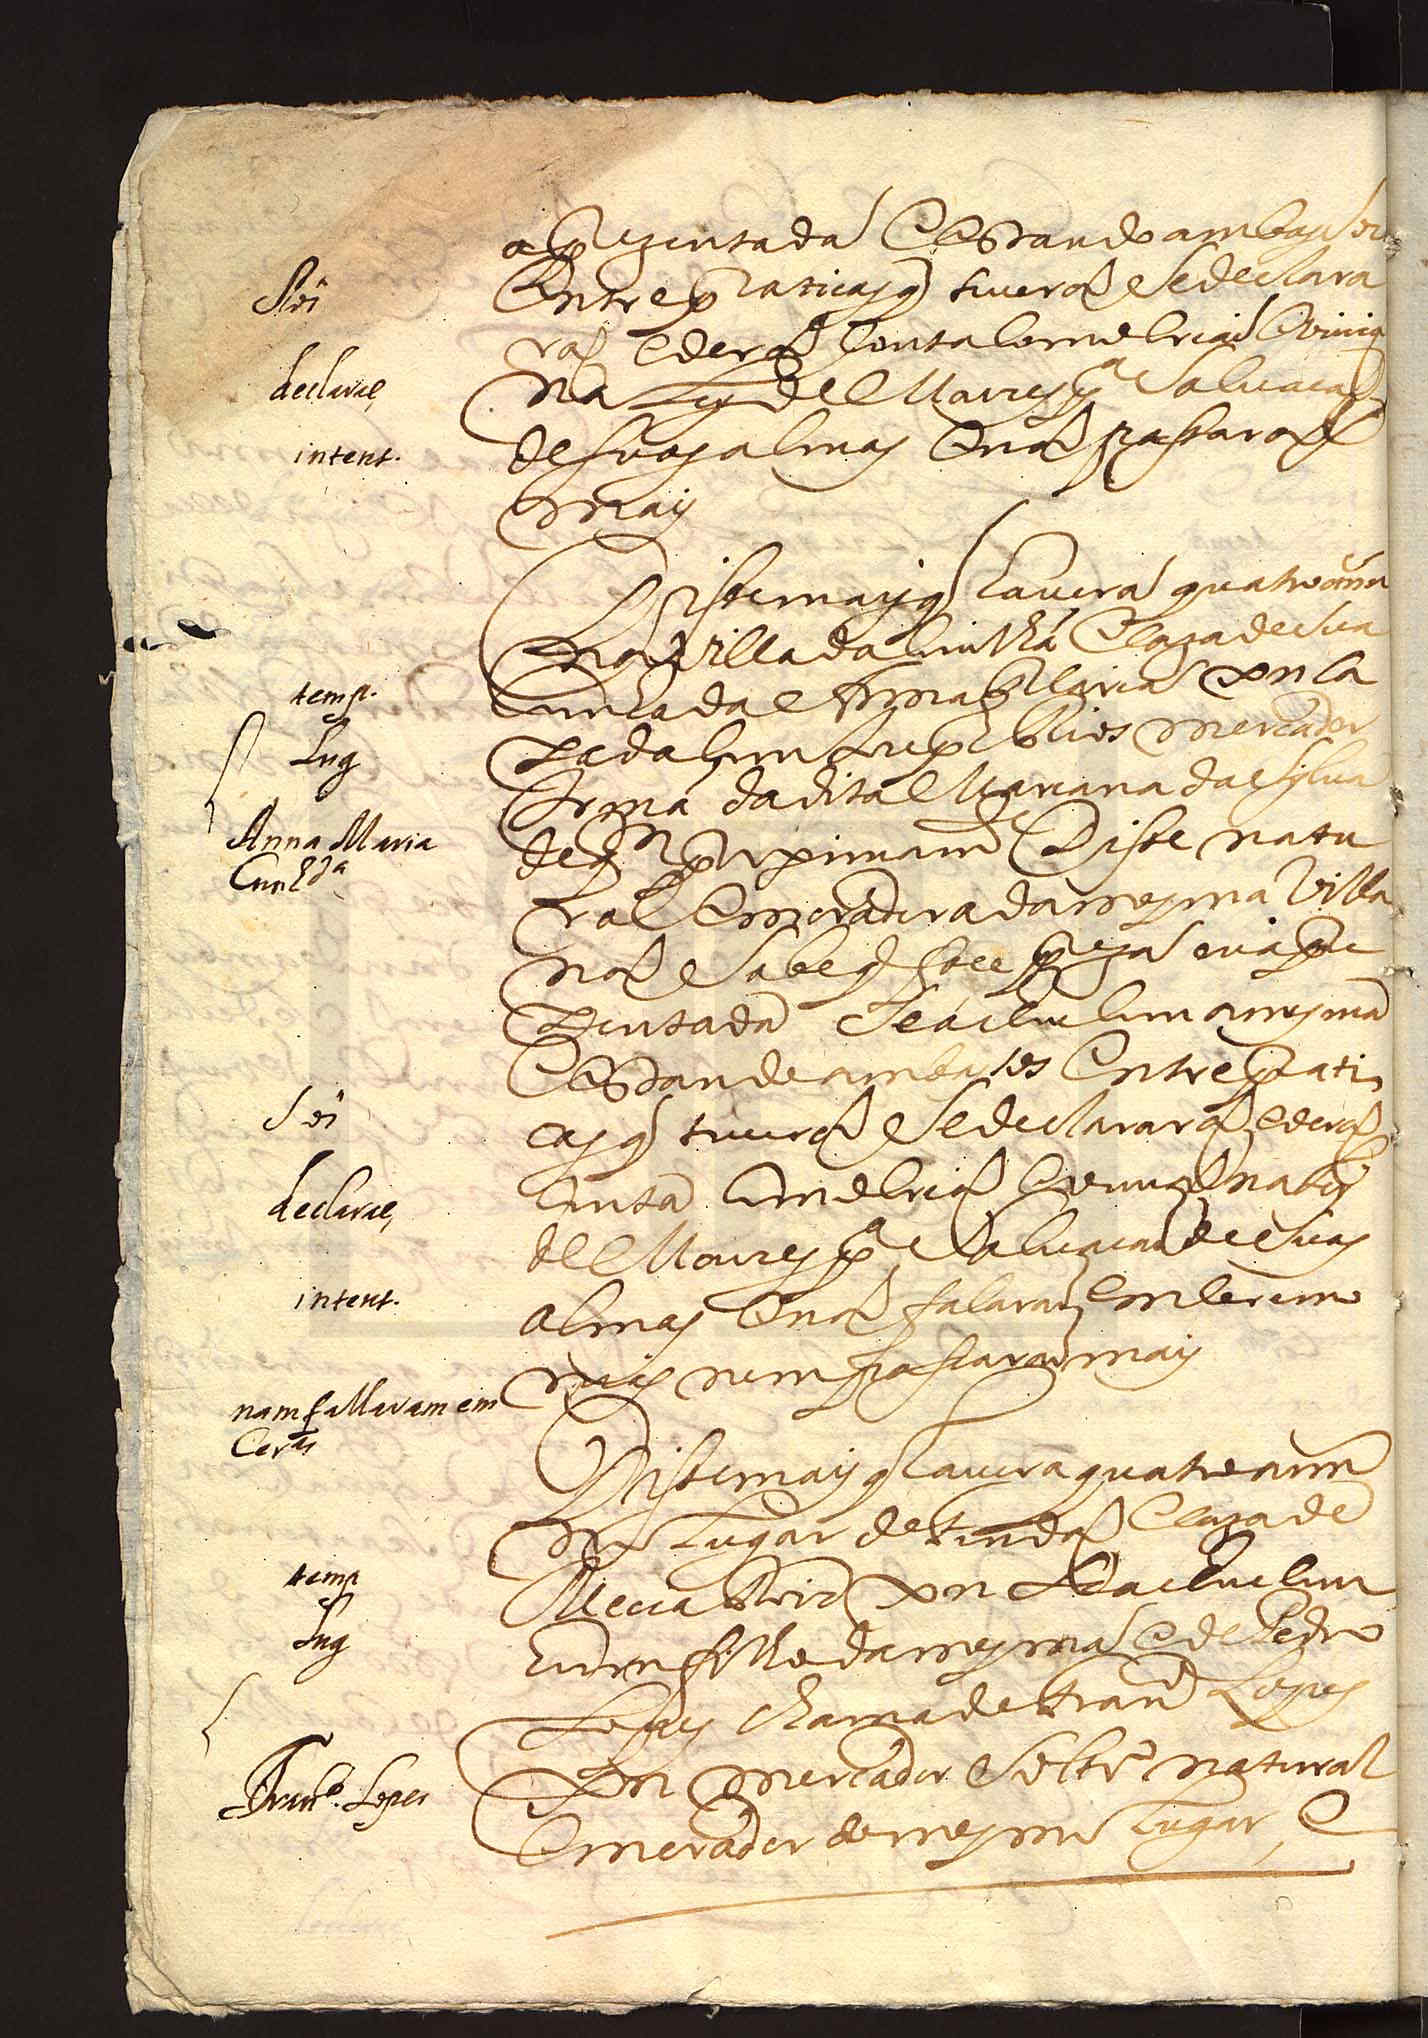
Sôs
declaraç
intent.
temp.
Lug
Anna Maria
Cunhda
Sôs
declaraç
intent.
nam fallavam em
Ceras
temp
Lug
Franco. Lopes
aprezentada E Estando ambas Sos
Entre praticas q̄ tiueraõ Se declara
raõ e deraõ Conta Como Criaõ e vivia
na Ley de Moizes pa Saluacaõ
de suas almas E naõ passaraõ
mais
Disse mais q̄ hauera quatro an̄os
na Villa da Couilhã E Caza de Sua
Cunhada Anna Maria xn Ca
zada Com Jozeph Rios mercador
Irmã da dita Mariana da Sylua
de q.m proximamte Disse natu
ral E moradora da mesma Villa
naõ Sabe q̄ foce preza ou apre
zentada Se achou Com a mesma
E Estando ambas sos Entre prati
cas q̄ tiueraõ Se declararaõ e deraõ
Conta Com o Criaõ E viuiaõ na Ley
de Mouzes pa Saluacaõ de Suas
almas E naõ falaraõ Em Ceremo
nias nem passaraõ mais
Disse mais q̄ hauera quatro ann̄
no Lugar de Fundaõ E caza de
Mecia Roiz̄ xn Se achou em
hum filho da mesma e de Pedro
Lopes chamado Franco Lopes
xn mercador soltro natural
E morador do mesmo Lugar, E
